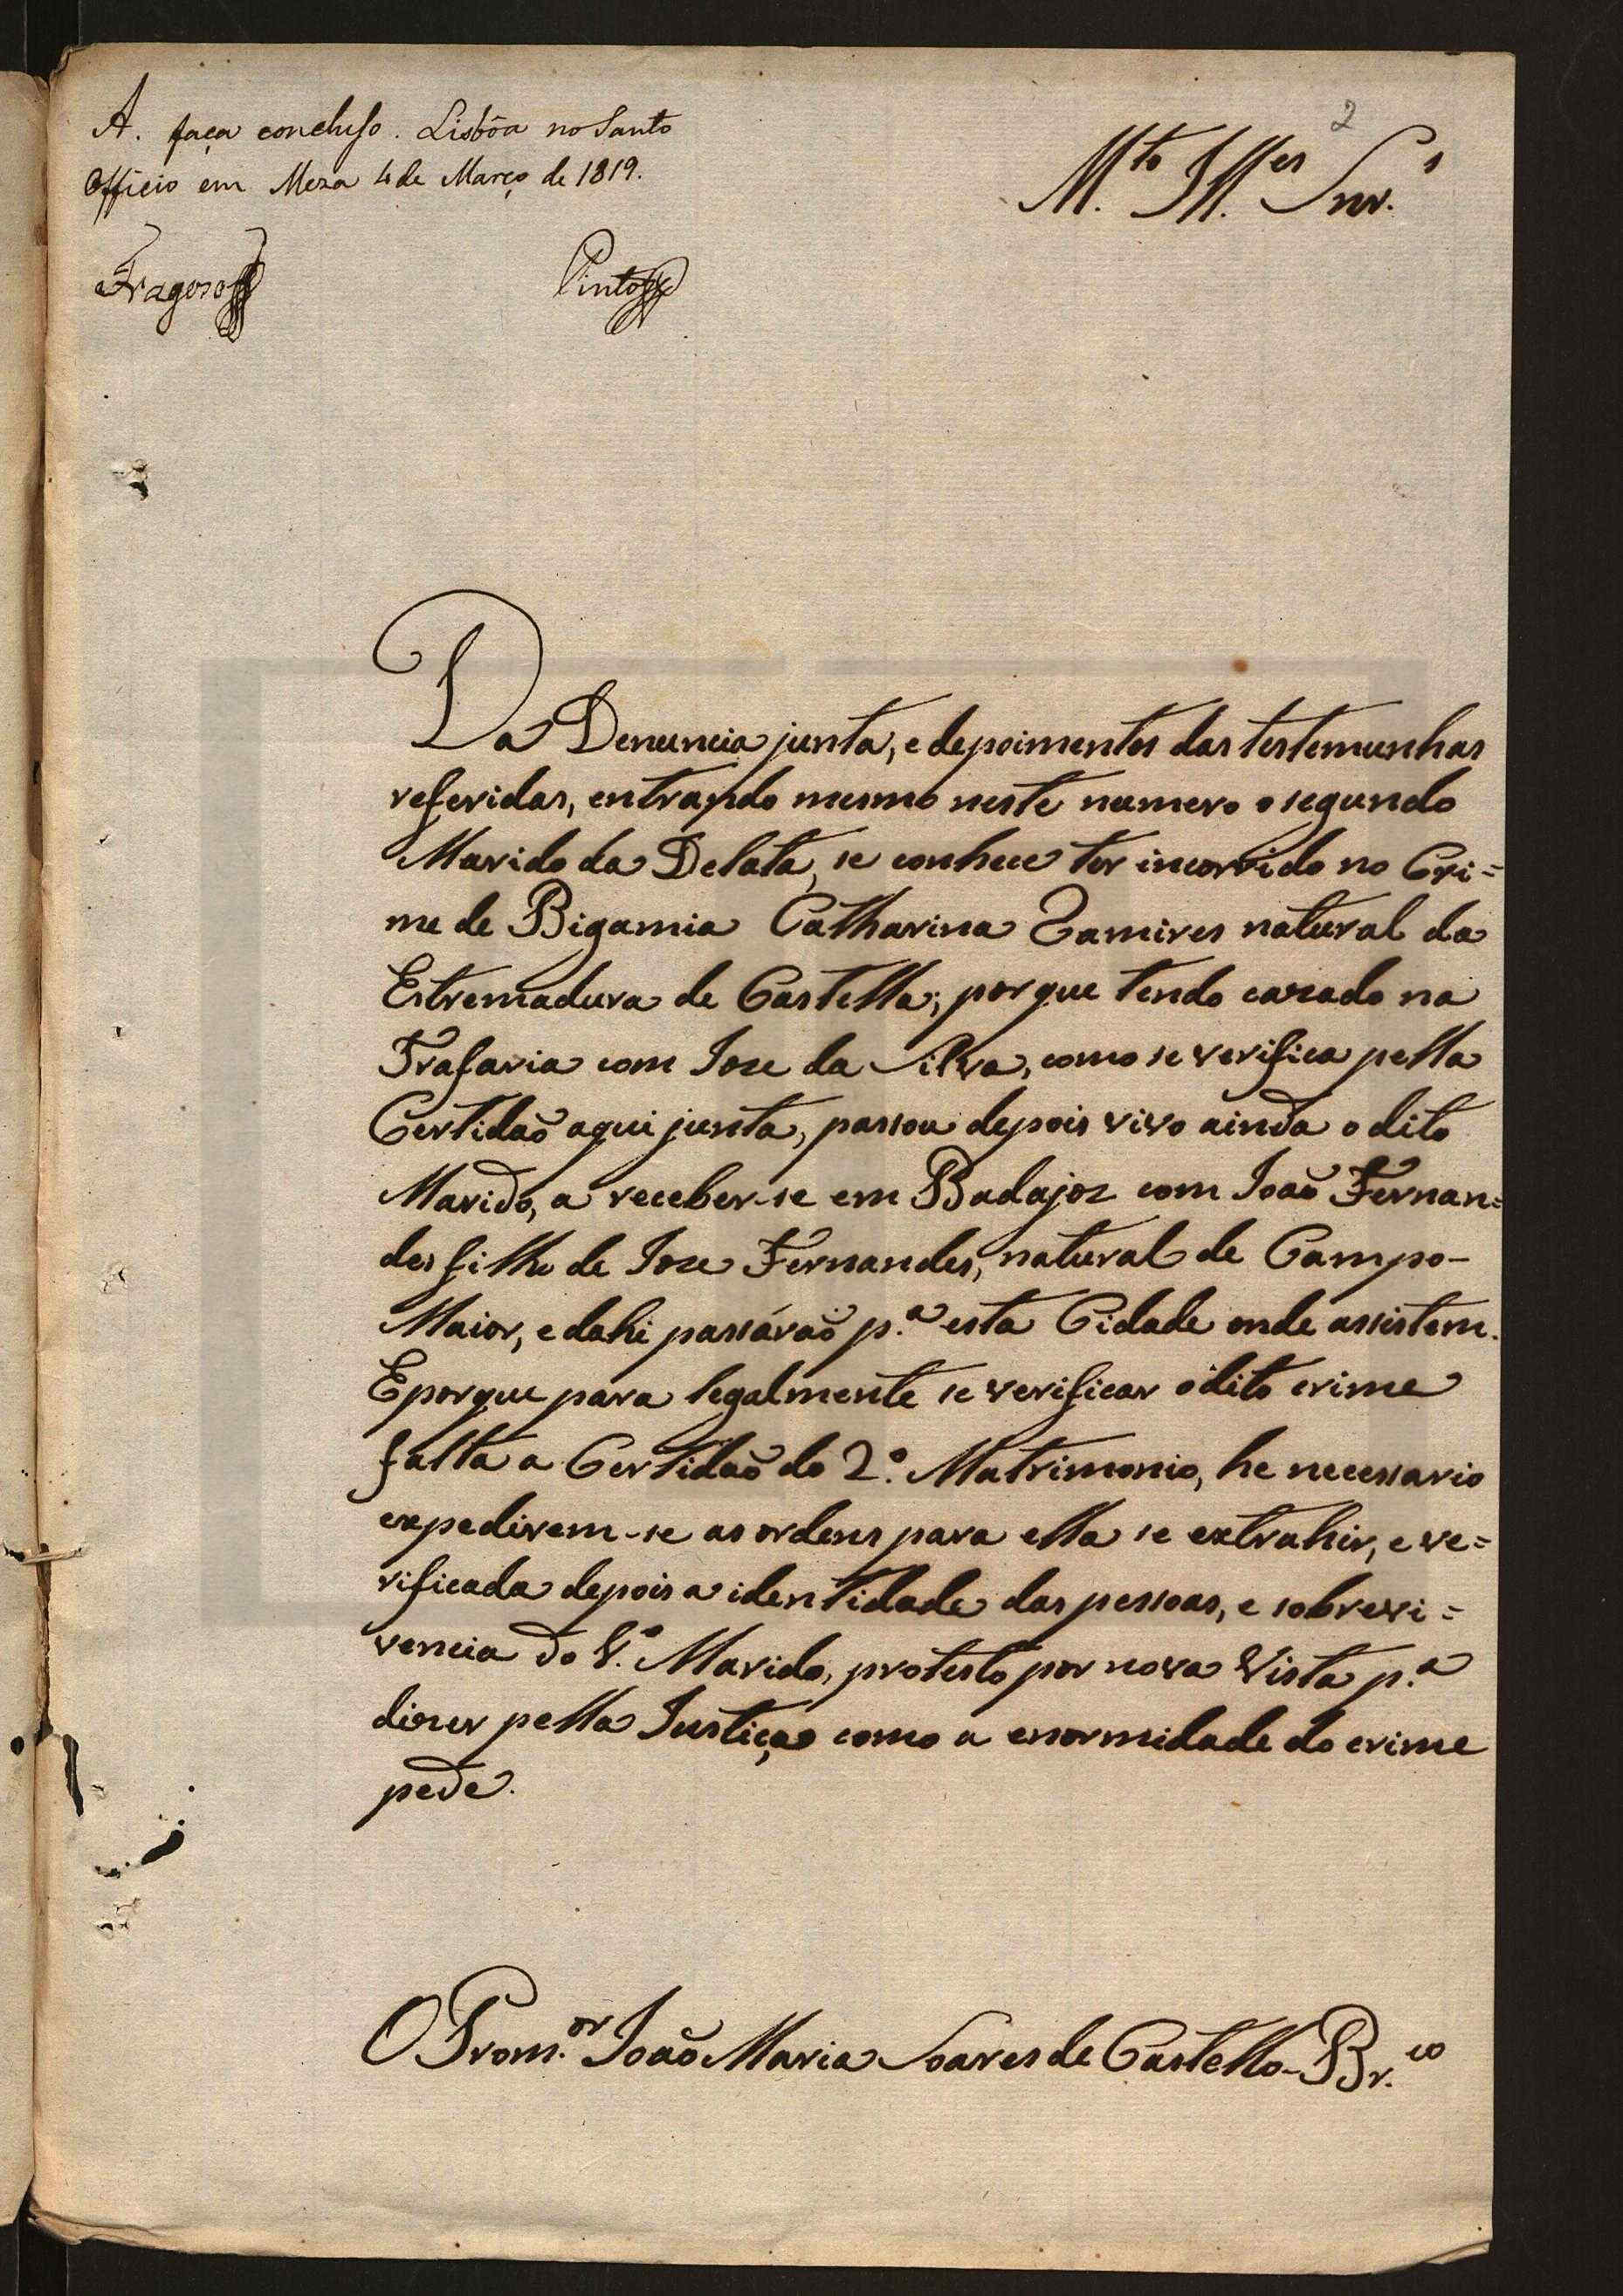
A. faça concluso. Lisbôa no Santo
Officio em Meza 4 de Março de 1819.
M.to Ill.es Snr.s
Fragoso
Pinto
Da Denuncia junta, e depoimentos das testemunhas
referidas, entrando mesmo neste numero o segundo
Marido da Delata, se conhece ter incorrido no Cri
me de Bigamia Catharina Ramires natural da
Estremadura de Castella; porque tendo cazado na
Trafaria com Ioze da Silva, como se verifica pella
Certidaõ aqui junta, passou depois vivo ainda o dito
Marido, a receber-se em Badajoz com Ioaõ Fernan
des filho de Ioze Fernandes, natural de Campo
Maior, e dahi passaraõ p.a esta Cidade onde assistem.
E porque para legalmente se verificar o dito crime
falta a Certidaõ do 2.o Matrimonio, he necessario
expedirem-se as ordens para ella se extrahir, e ve
rificada depois a identidade das pessoas, e sobrevi
vencia do 1.o Marido, protesto por nova Vista p.a
dizer pella Iustiça como a enormidade do crime
pede.
O Prom.or Ioaõ Maria Soares de Castello Br.co
